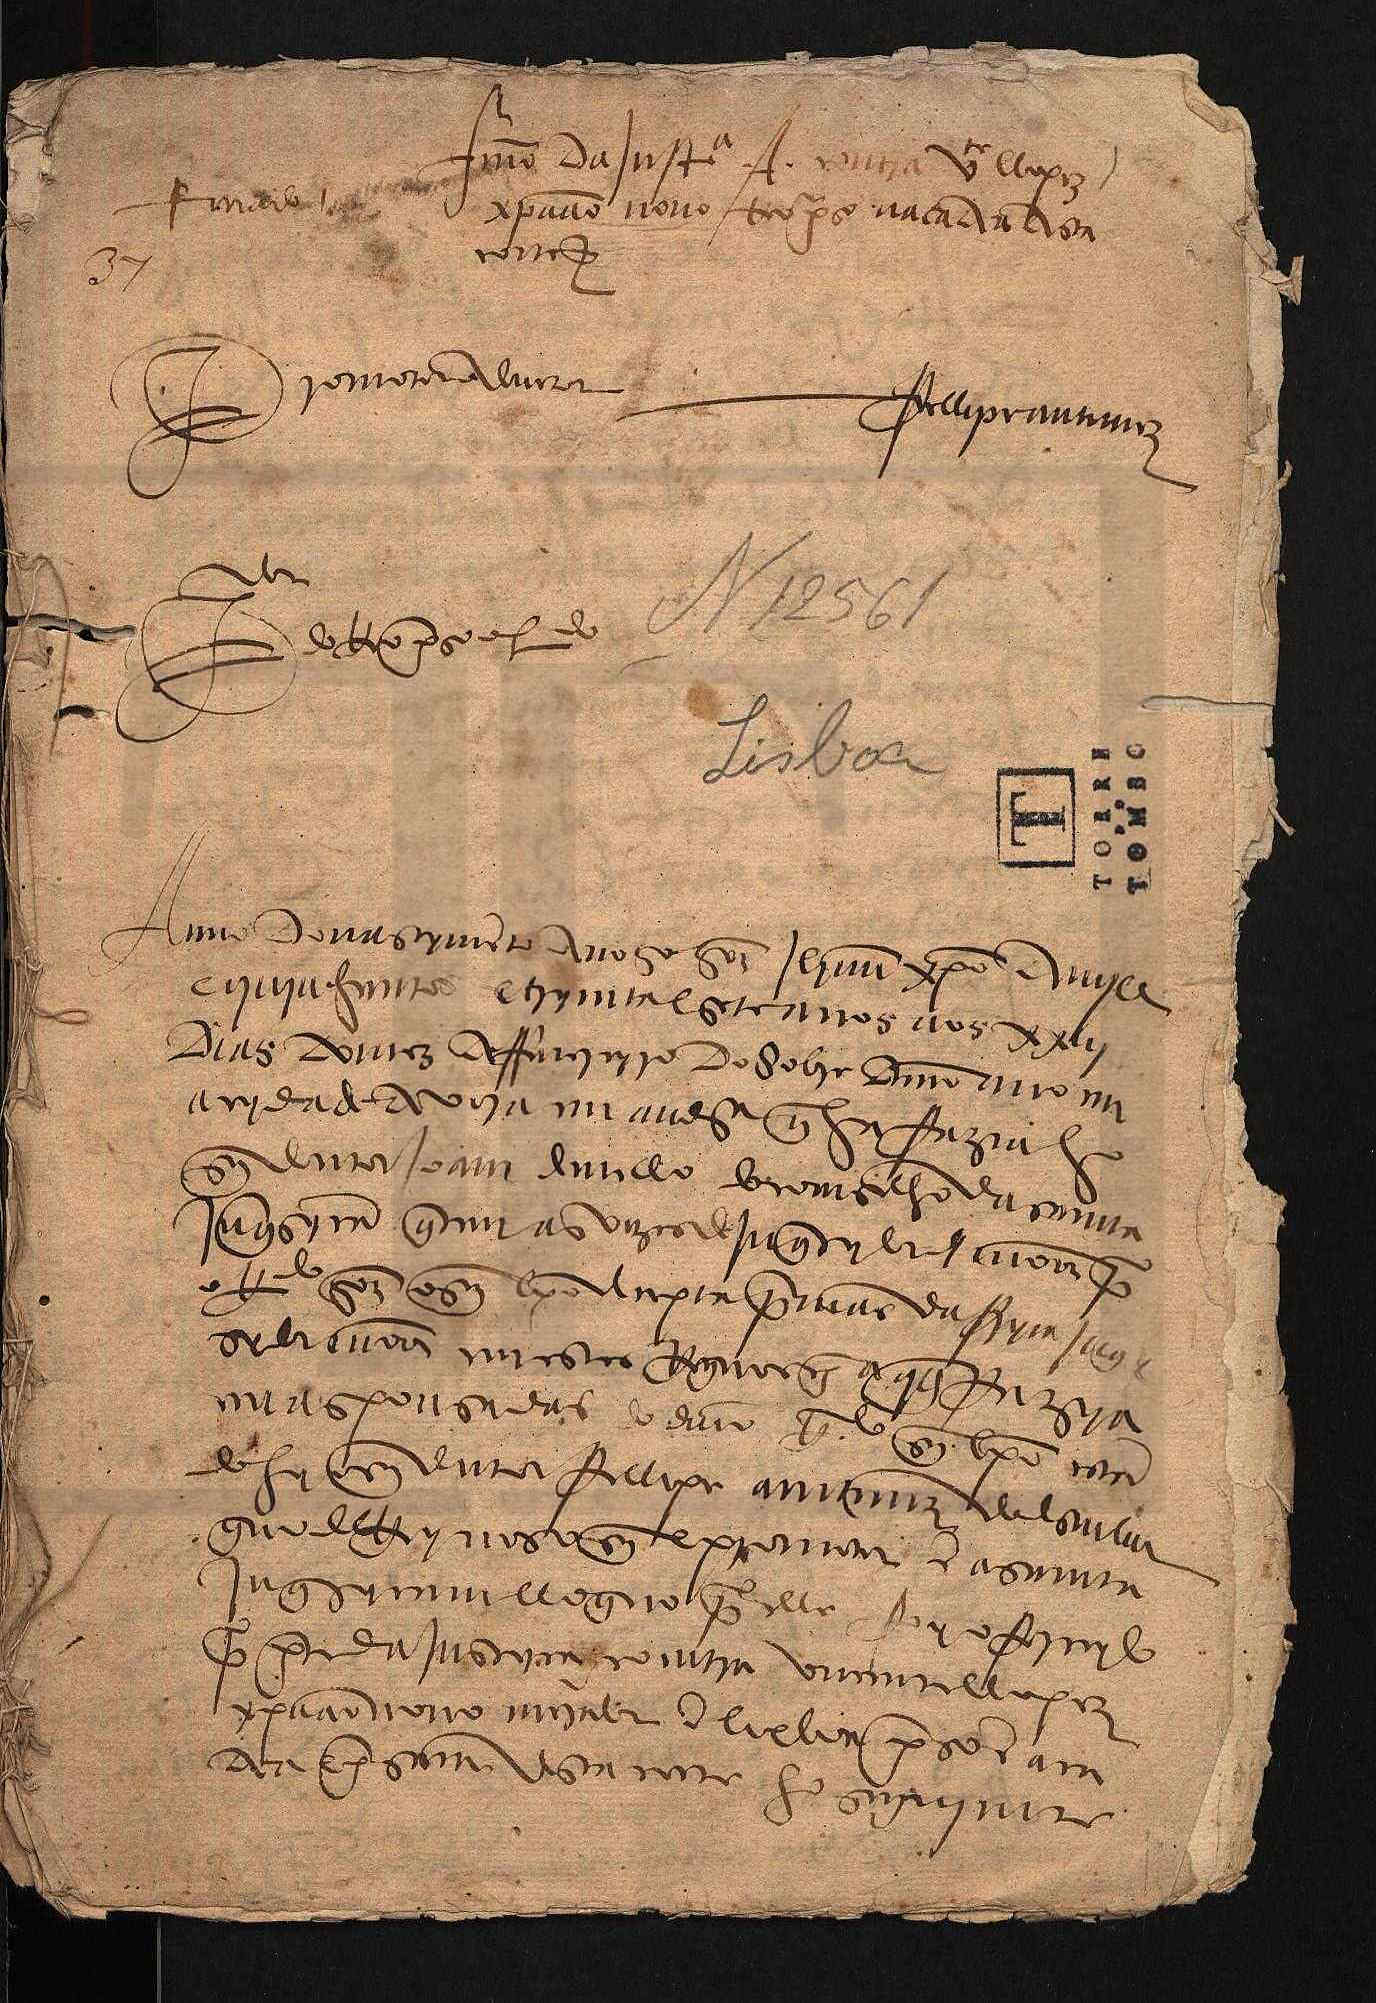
feito da Justa A. contra vte llopez
xpaão nouo Reo p̄so na cadea desta
corte
finado
37
Promotor o douctor
fellipe antunez
Pdor do Reo p̄so o Ldo
Anno do nascymēto de noso s̄or Jhūu xp̄o de mjll
e qujnhemtos e trymta e sete anos aos xxiij
Dias do mez de ffeuereyro do Sobredito ano em
a cydade devora em auda q̄ hi fazia ho
s̄or doutor Joam de mello do comselho da samta
Jnq̄syçā q̄ tem as vezes de Jnq̄sydor moor p̄o
o Rdo s̄or o s̄or bp̄o de cepta p̄mas daffryca Jnq̄y
sydor moor em estes Regnos c̄ꝭ a q̄ll fazya
em as pousadas o dito Rdo s̄r bp̄o estā
do hy o sōr doutor fellipe amtunez do desenbar
guo del Rey noso s̄r e promotor ē a samta
Jnq̄syçam lloguo p̄o elle foy oferecydo
p̄o p̄te da Justyça comtra vicemte llopez
xpaão nouo morador ē lixboa p̄so ē a ca
dea e p̄sam desta corte ho segujmte
